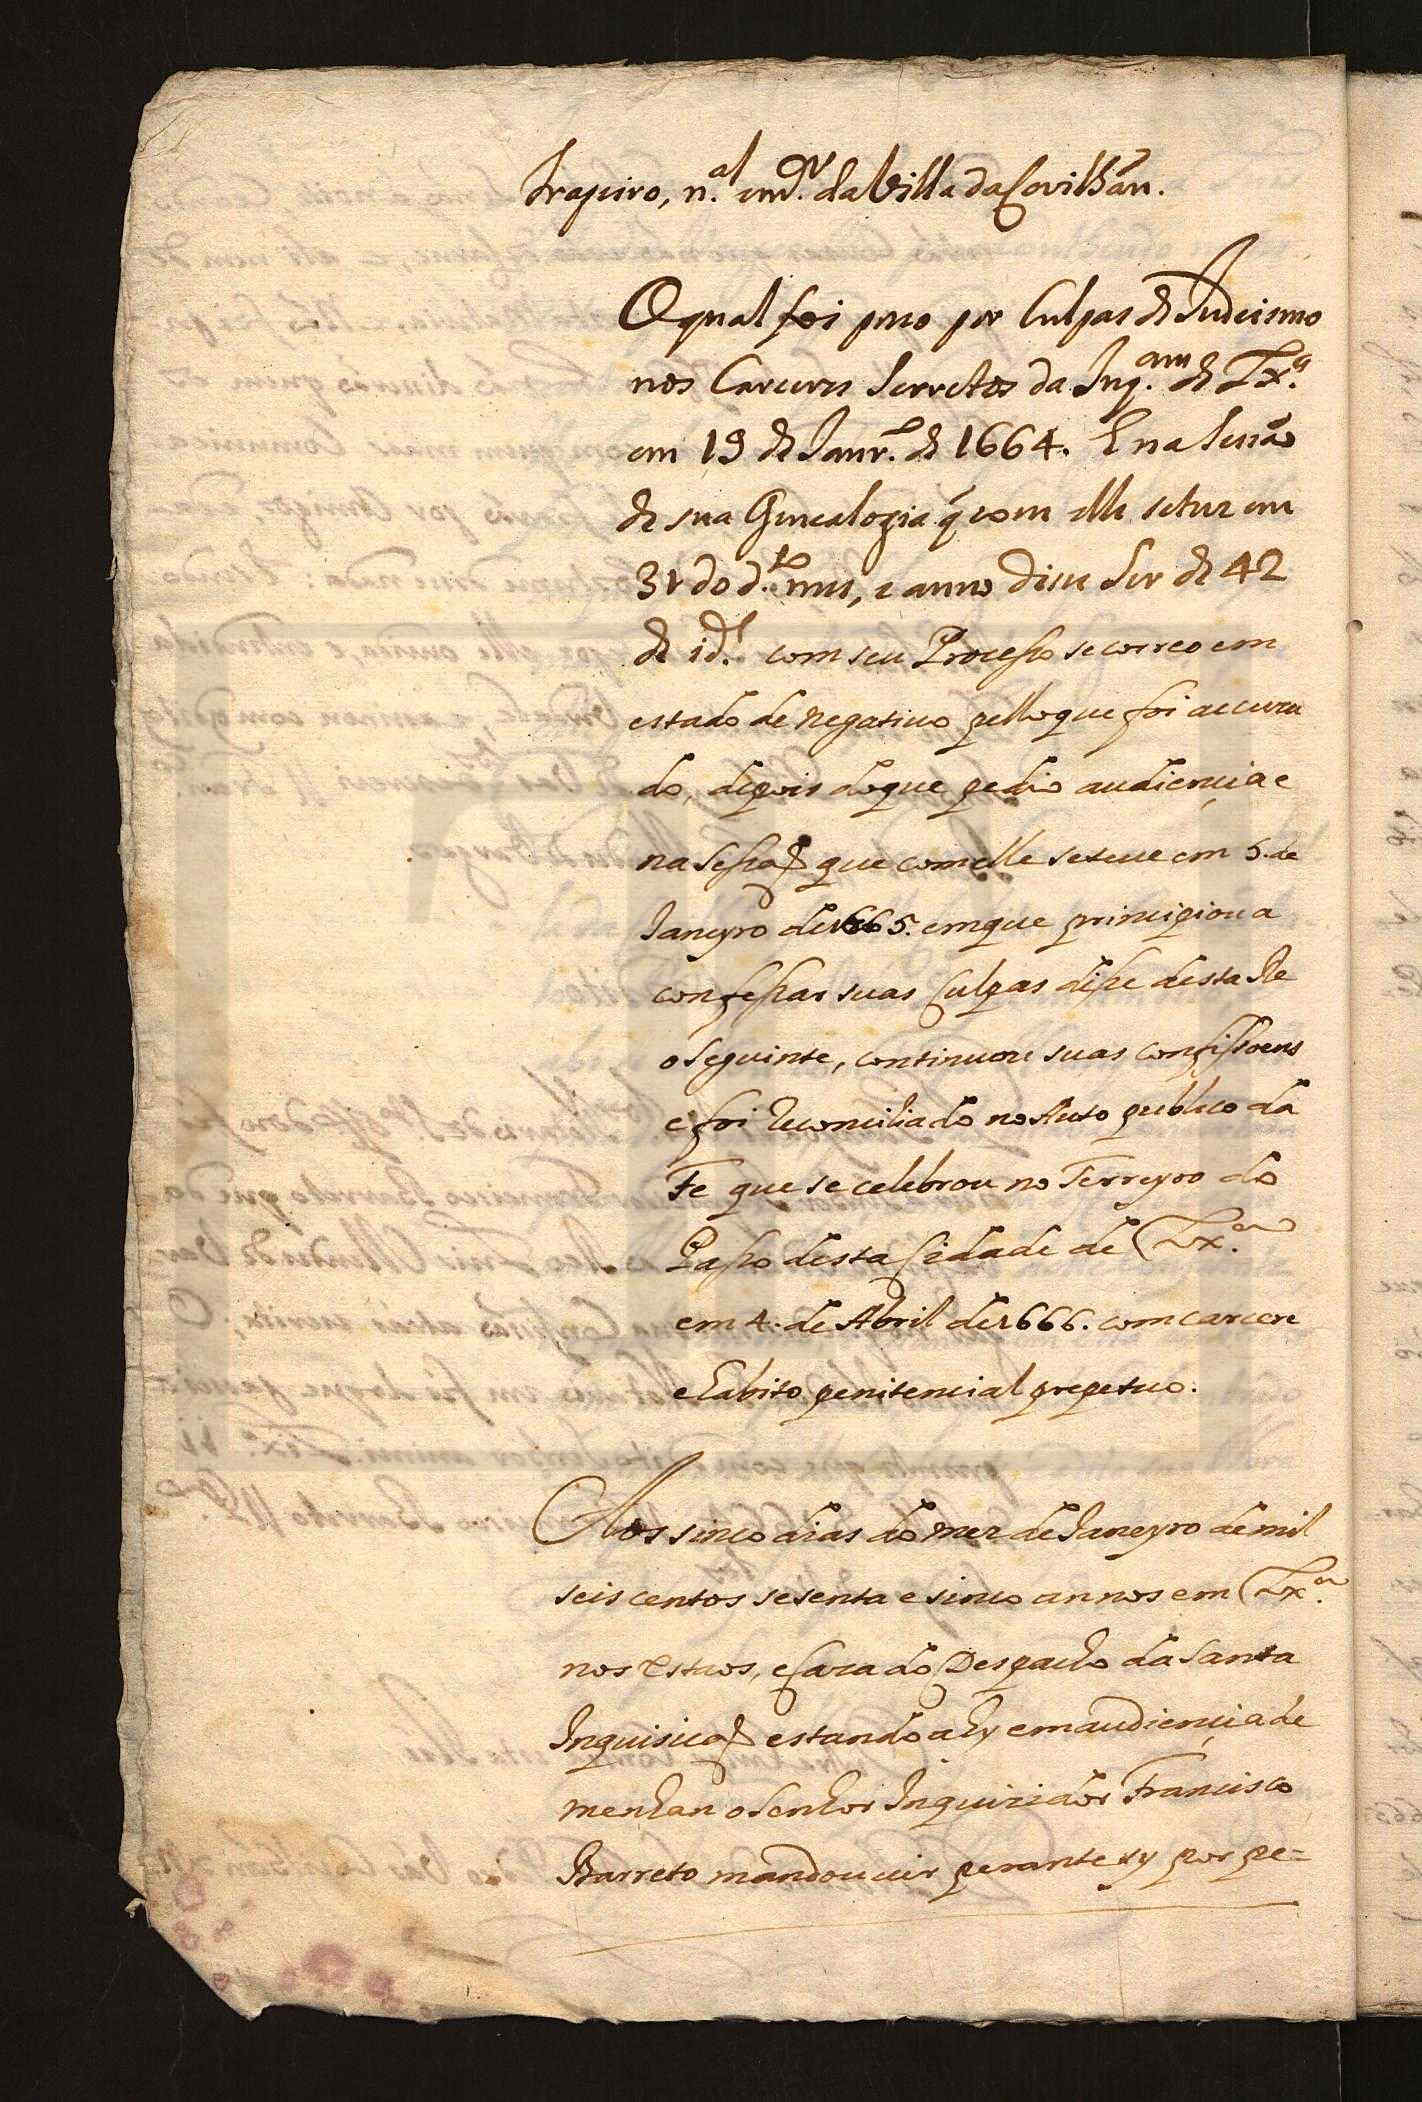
trapeiro, n.al e m.or da Villa da Covilhãn.
O qual foi prezo por Culpas de Iudaismo
nos Carceres Secretos da Inq.am de Lx.a
em 19 de Ianr.o de 1664. E na Sessão
de sua Genealogia q̄ com elle se teue em
31 do d.o mes, e anno disse ser de 42
de id.e com seu Processo se correo em
estado de negatiuo pello que foi accuza
do, depois do que pedio audiencia e
na sessaõ que com elle se teue em 5. de
Ianeyro de 1665. em que principiou a
confessar suas Culpas disse desta Re
o seguinte, continuou suas confissoens
e foi Reconciliado no Auto publico da
Fe que se celebrou no Terreyro do
Passo desta Cidade de Lx.a
em 4. de Abril de 1666. com carcere
e habito penitencial prepetuo.
Aos sinco dias do mez de Ianeyro de mil
seiscentos sesenta e sinco annos em Lx.a
nos estaos, e Caza do Despacho da Santa
Inquisiçaõ estando ahy em audiencia de
menhan o Senhor Inquizidor Francisco
Barreto mandou uir perante sy por pe
